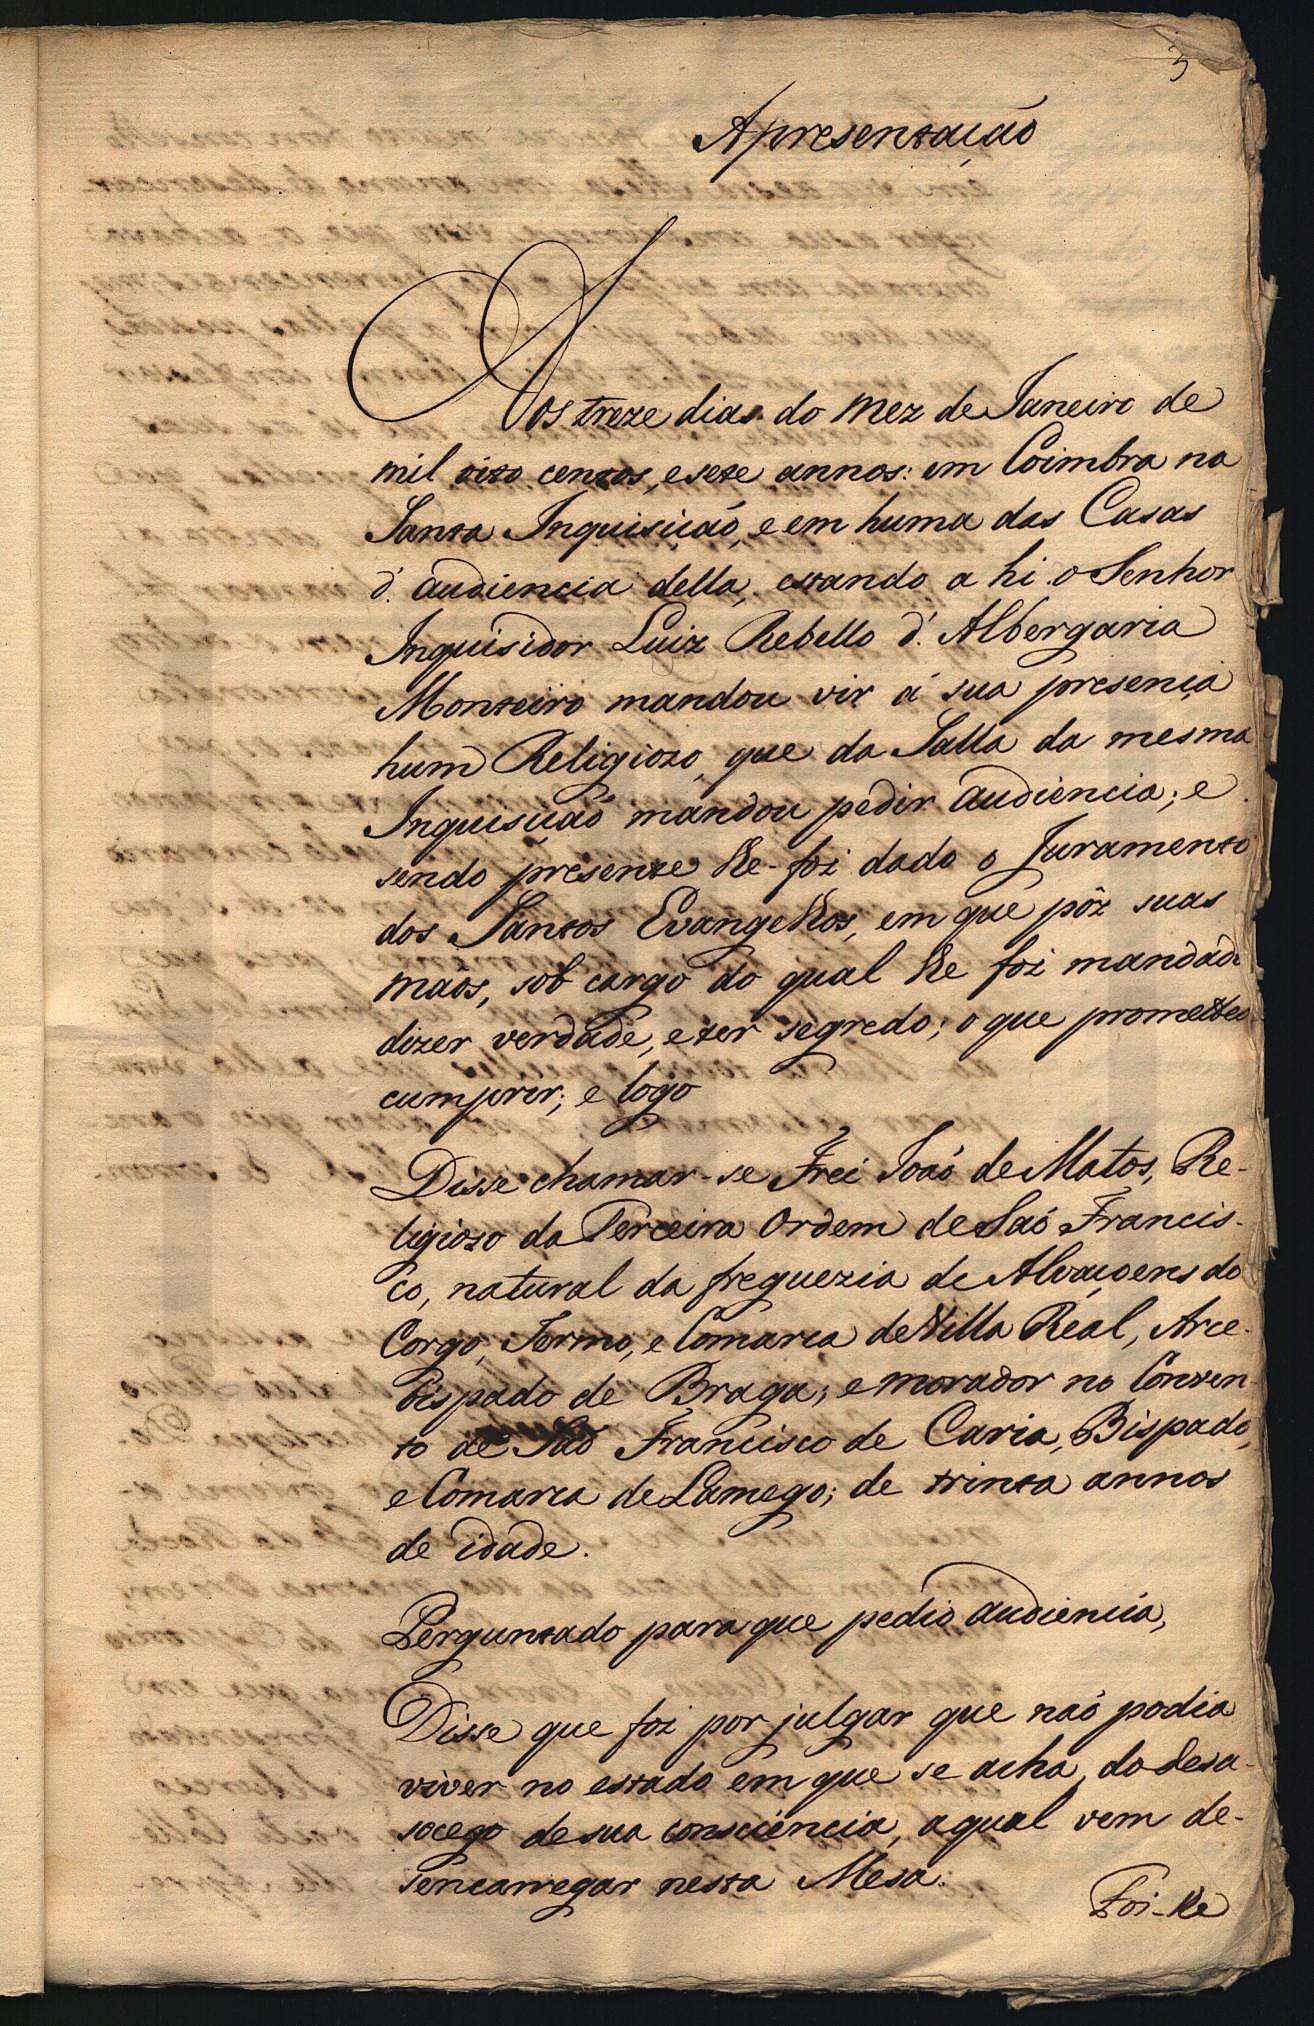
Apesentaçaõ
Aos treze dias do mez de Janeiro de
mil oitocentos, e sete annos: em Coimbra na
Santa Inquisiçaõ, e em huma das Casas
d'audiencia della, e estando ahi o Senhor
Inquisidor Luiz Rebello d'Albergaria
Monteiro mandou vir á sua presença
hum Religiozo, que da Salla da mesma
Inquisiçaõ mandou pedir audiencia; e
sendo presente lhe-foi dado o Juramento
dos Santos Evangelhos, em que pôz suas
maõs, sob cargo do qual lhe foi mandado
dizer verdade, e ter segredo; o que prometteo
cumprir; e logo
Disse chamar-se Frei Joaõ de Matos, Re
ligiozo da Terceira Ordem de Saõ Francis
co, natural da freguezia de Alvaçoens do
Corgo, Termo, e Comarca de Villa Real, Arce
bispado de Braga; e orador no Conven
to de Saõ Francisco de Caria, Bispado
e Comarca de Lamego; de trinta annos
de idade.
Perguntado para que pedio audiencia,
Disse que foi por julgar que naõ podia
viver no estado em que se acha do desa
socego de sua consciencia, a qual vem de
sencarregar nesta Mesa.
Foi-lhe
